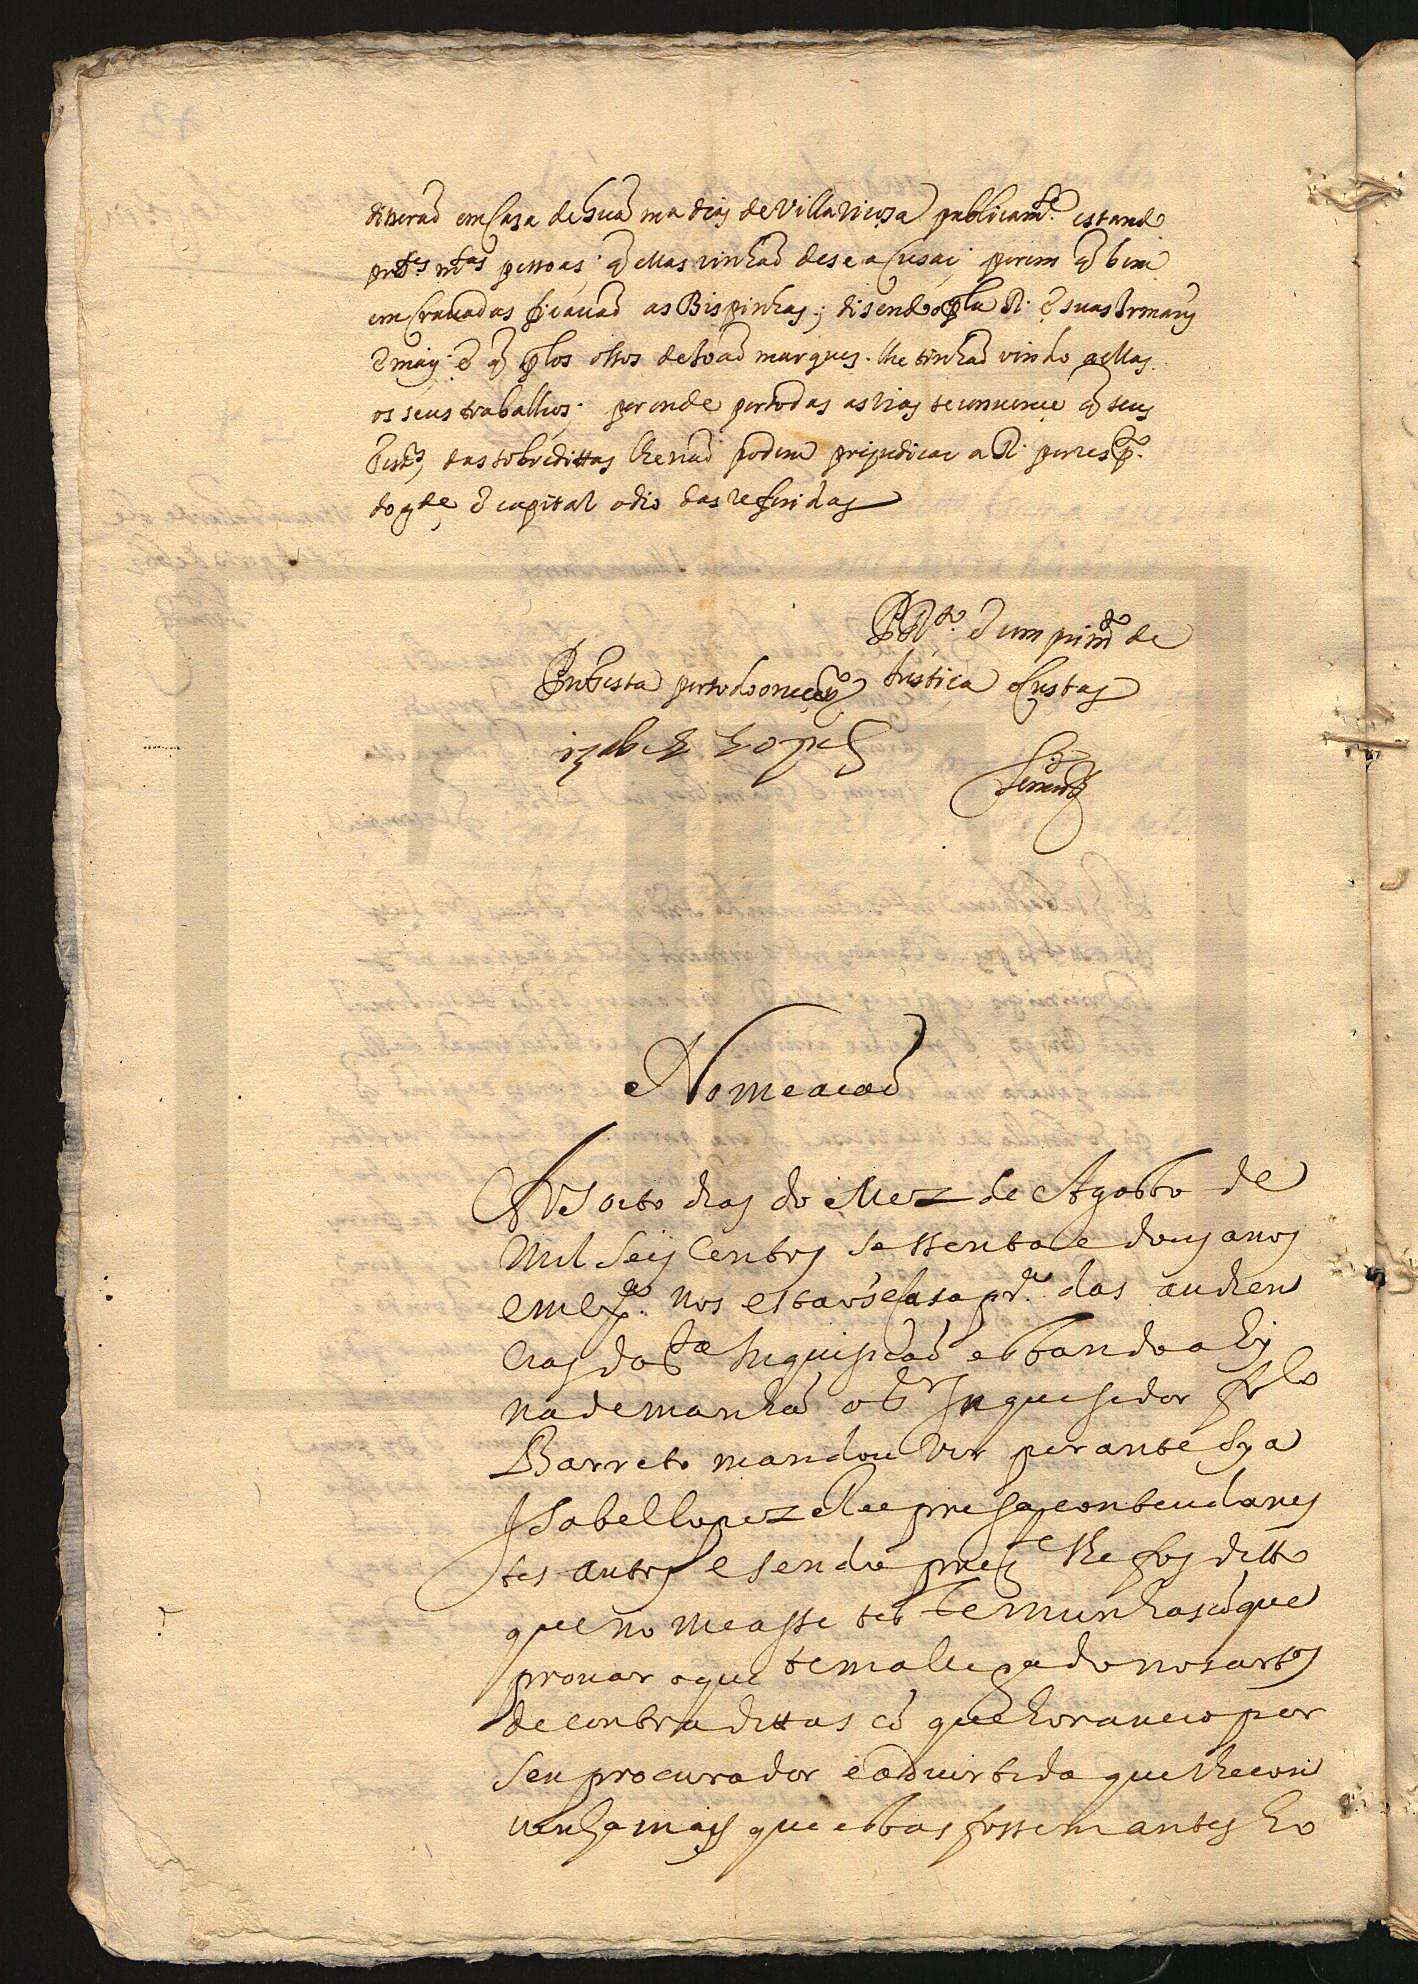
disserão em Caza de huā ma dias de Villa viçosa publicamte. estando
prestes. mtas pessoas; q̄ ellas vinhão de se aCusar; porem q̄ bem
emCrauadas ficauão as Bispinhas; disendoo p̄la R e suas Irmans̄
e may: e q̄ p̄los ossos de Ioão marquez. lhe tinhão vindo a ellas
os seus trabalhos; por onde por todas as vias se conuençe q̄ seus
Testos, das sobredittas lhe não podem prejudicar a R por respto.
do gde, e capital odio das referidas
P Rto., e comprimto de
Iustiça e Custas
ProTesta por todo o neçesro
Nomeacaõ
Aos oito dias do Mez de Agosto de
mil SeisCentos sessenta e dous anos
em lixa. nos estaos e Casa pr.a das audien
cias da sta Inquisicaõ estando ahy
na de manhā o sor Jnquisidor frCo
Barreto mandou vir perante sy a
Jsabel lopez Ree presa conteuda nes
tes autos e sendo prezte lhe foj ditto
que nomeasse testemunhas cō que
prouar o que tem allegado nos artos
de contradittas cō que hora ueio por
seu procurador e aduirtida que lhe con
uinha mais que estas fossem antes ho
